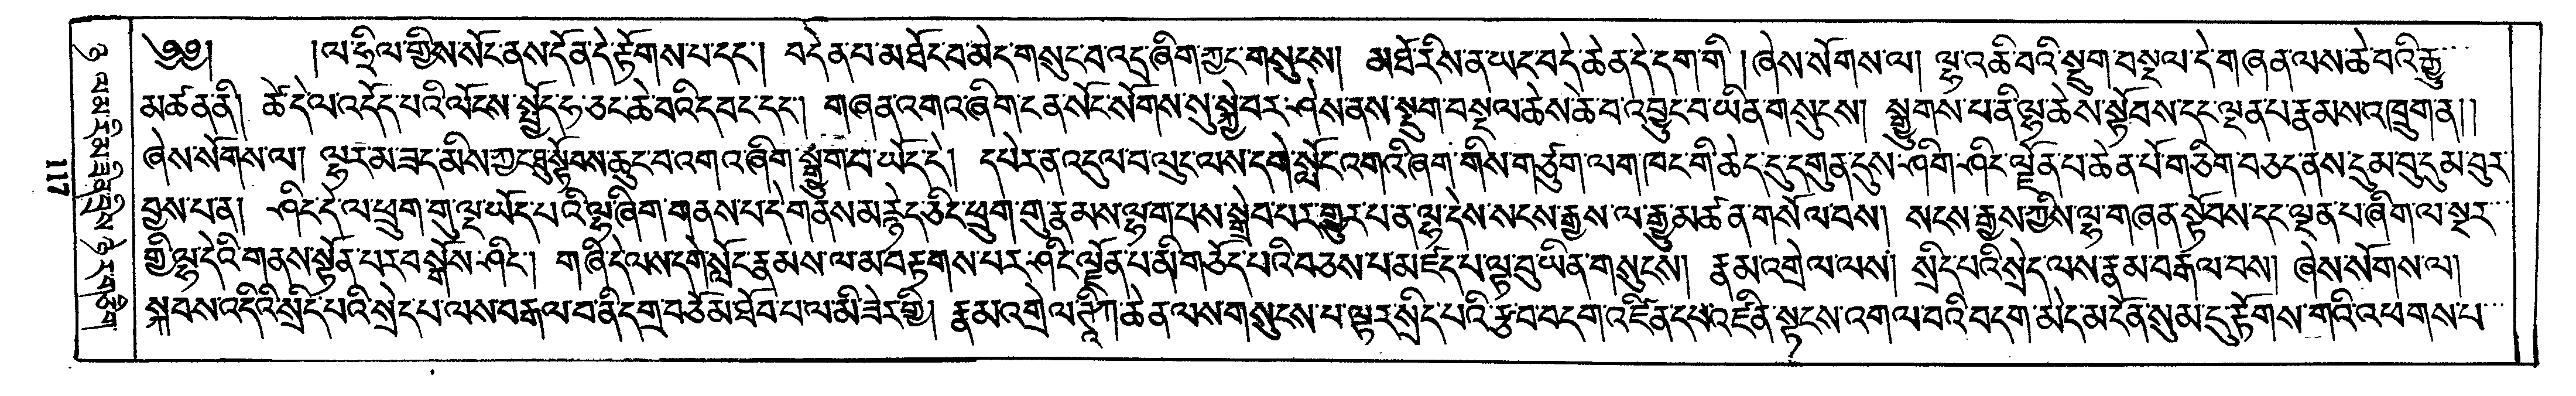༄༅། །ལ་ཧྲིལ་གྱིས་སོང་ནས་དོན་དེ་རྟོགས་པ་དང་། བདེན་པ་མཐོང་བ་མེད་གསུང་བ་འདྲ་ཞིག་ཀྱང་གསུངས། མཐོ་རིས་ན་ཡང་བདེ་ཆེན་དེ་དག་གི་ཞེས་སོགས་ལ། ལྷ་འཆི་བའི་སྡུག་བསྔལ་དེ་གཞན་ལས་ཆེ་བའི་རྒྱུ་
མཚན་ནི། ཚེ་དེ་ལ་འདོད་པའི་ལོངས་སྤྱོད་ཧ་ཅང་ཆེ་བའི་དབང་དང་། གཞན་འགའ་ཞིག་ངན་སོང་སོགས་སུ་སྐྱེ་བར་ཤེས་ནས་སྡུག་བསྔལ་ཆེས་ཆེ་བ་འབྱུང་བ་ཡིན་གསུངས། སྤྱུགས་པ་ནི་ལྷ་ཆེས་སྟོབས་དང་ལྡན་པ་རྣམས་འཁྲུག་ན།།
ཞེས་སོགས་ལ། ལྷར་མ་ཟད་མིས་ཀྱང་ལྷ་སྟོབས་ཆུང་བ་འགའ་ཞིག་སྤྱུག་པ་ཡོད་དེ། དཔེར་ན་འདུལ་བ་ལུང་ལས་དགེ་སློང་འགའ་ཞིག་གིས་གཙུག་ལག་ཁང་གི་ཆེད་དུ་དགུན་དུས་ཤིག་ཤིང་ལྗོན་པ་ཆེན་པོ་གཅིག་བཅད་ནས་ངུ་མ་བུ་དུམ་བུར་
བྱས་པ་ན། ཤིང་དེ་ལ་ཕྲུག་གུ་ལྔ་ཡོད་པའི་ལྷ་ཞིག་གནས་པ་དེ་གནས་མ་རྙེད་ཅིང་ཕྲུག་གུ་རྣམས་ལྷག་པས་སྤྲེབ་པར་གྱུར་པ་ན་ལྷ་དེས་སངས་རྒྱས་ལ་རྒྱུ་མཚན་གསོལ་བས། སངས་རྒྱས་ཀྱིས་ལྷ་གཞན་སྟོབས་དང་ལྡན་པ་ཞིག་ལ་སྔར་
གྱི་ལྷ་དེའི་གནས་སྟོན་པར་བསྒོས་ཤིང་། གཞི་དེ་ལས་དགེ་སློང་རྣམས་ལ་མ་བརྟགས་པར་ཤིང་ལྗོན་པ་མི་གཅོད་པའི་བཅས་པ་མཛད་པ་ལྟ་བུ་ཡིན་གསུངས། རྣམ་འགྲེལ་ལས། སྲིད་པའི་སྲེད་ལས་རྣམ་བརྒལ་བས། ཞེས་སོགས་ལ།
སྐབས་འདིའི་སྲིད་པའི་སྲེད་པ་ལས་བརྒལ་བ་ནི་དགྲ་བཅོམ་ཐོབ་པ་ལ་མི་ཟེར་གྱི། རྣམ་འགྲེལ་ཊཱིཀ་ཆེན་ལས་གསུངས་པ་ལྟར་སྲིད་པའི་རྩ་བ་བདག་འཛིན་དང་འཛིན་སྟངས་འགལ་བའི་བདག་མེད་མངོན་སུམ་དུ་རྟོགས་པའི་འཕགས་པ་